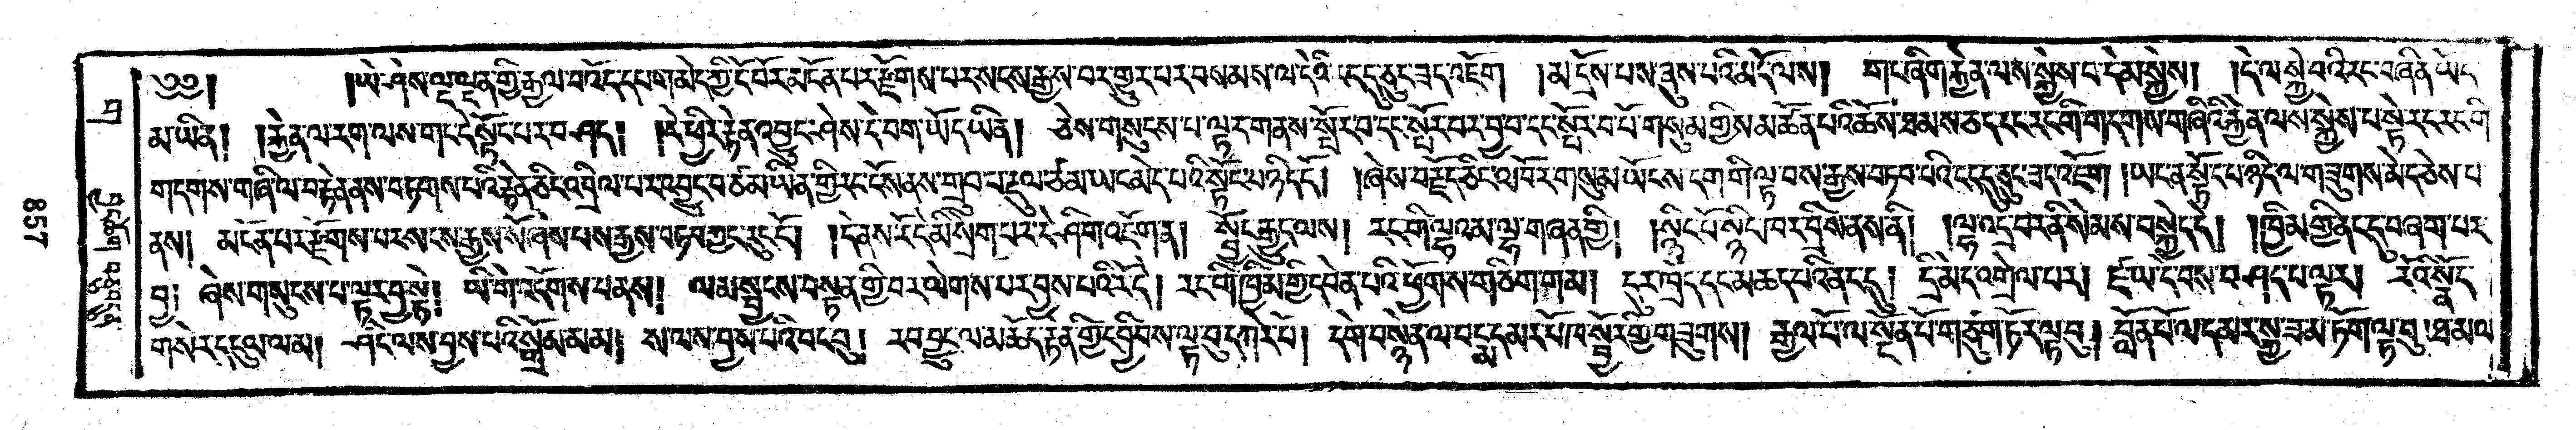༄༅། །ཡེ་ཤེས་ལྔ་ལྡན་གྱི་རྒྱལ་བ་འོད་དཔག་མེད་ཀྱི་ངོ་བོར་མངོན་པར་རྫོགས་པར་སངས་རྒྱས་བར་གྱུར་པར་བསམས་ལ་དེའི་བྱང་དུ་ཅུང་ཟད་འཇོག །མ་དྲོས་པས་ཞུས་པའི་མདོ་ལས་གང་ཞིག་རྐྱེན་ལས་སྐྱེས་བ་དེ་མ་སྐྱེས། །དེ་ལ་སྐྱེ་བའི་རང་བཞིན་ཡོད་
མ་ཡིན། །རྐྱེན་ལ་རག་ལས་གང་དེ་སྟོང་པར་བཤད། །དེ་ཕྱིར་རྟེན་འབྱུང་ཤེས་དེ་བག་ཡོད་ཡིན། ཅེས་གསུངས་པ་ལྟར་གནས་སྤོར་བ་དང་སྤོར་བར་བྱ་བ་དང་སྤོར་བ་པོ་གསུམ་གྱིས་མཚོན་པའི་ཆོས་ཐམས་ཅད་རང་རང་གི་གདགས་གཞིའི་རྐྱེན་ལས་སྐྱེས་པ་སྟེ་རང་རང་གི་
གདགས་གཞི་ལ་བརྟེན་ནས་བཏགས་པའི་རྟེན་ཅིང་འབྲིལ་པར་འབྱུང་བ་ཙམ་ཡིན་གྱི་རང་ངོས་ནས་གྲུབ་པ་རྡུལ་ཙམ་ཡང་མེད་པའི་སྟོང་པ་ཉིད་དོ། །ཞེས་བརྗོད་ཅིང་འཁོར་གསུམ་ཡོངས་དག་གི་ལྟ་བས་རྒྱས་བཏབ་པའི་ངང་དུ་ཅུང་ཟད་འཇོག །ཡང་ན་སྟོང་པ་ཉིད་ལ་གཟུགས་མེད་ཅེས་པ་
ནས། མངོན་པར་རྫོགས་པར་སངས་རྒྱས་སོ་ཞེས་པས་རྒྱས་བཏབ་ཀྱང་རུང་ངོ། །དེ་ནས་རོ་དེ་མི་སྲེག་པར་རེ་ཤིག་འཇོག་ན། སྦྱོང་རྒྱུད་ལས། རང་གི་ལྷའམ་ལྷ་གཞན་གྱི། །སྙིང་པོ་སྙིང་ཁར་བྲིས་ནས་ནི། །ལྷ་འདྲ་བར་ནི་སེམས་བསྐྱེད་དེ། །ཁྱིམ་གྱི་ནང་དུ་བཞག་པར་
བྱ༑ ཞེས་གསུངས་པ་ལྟར་བྱ་སྟེ། ཡི་གེ་འདོགས་པ་ནས། ལམ་སྦྱངས་བསྟན་གྱི་བར་ལེགས་པར་བྱས་པའི་རོ་དེ། རང་གི་ཁྱིམ་གྱི་དབེན་པའི་ཕྱོགས་གཅིག་གམ། དུར་ཁྲོད་དང་མཆད་པའི་ནང་དུ། དྲི་མེད་འགྲེལ་པར། ཛ་ཡ་དེ་བས་བཤད་པ་ལྟར། རོའི་སྣོད་
གསེར་དངུལ་ལམ། ཤིང་ལས་བྱས་པའི་སྒྲོམ་མམ། ས་ལས་བྱས་པའི་བང་བུ། རབ་བྱུང་ལ་མཆོད་རྟེན་གྱི་དབྱིབས་ལྟ་བུ་དཀར་པོ། དགེ་བསྙེན་ལ་པདམ་དམར་པོ་ཁ་སྦྱོར་གྱི་གཟུགས། རྒྱལ་པོ་ལ་སྔོན་པོ་གཙུག་ཏོར་ལྟ་བུ། བློན་པོ་ལ་དམར་སྐྱ་ཟ་མ་ཏོག་ལྟ་བུ་ཐ་མལ་